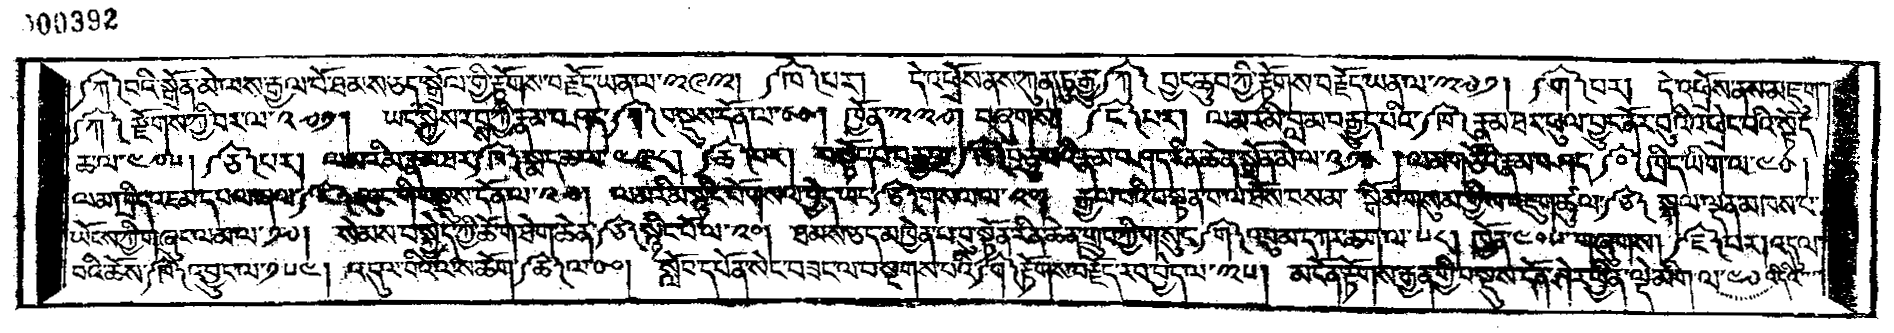༼ཀ༽ བའི་སྒྲོན་མེ་ལས་རྒྱལ་པོ་ཐམས་ཅད་སྒྲོལ་གྱི་རྟོགས་བརྗོད་ཡན་ལ ༣༩༣། ༼ཁ༽ པར། དེ་འཕྲོས་ནས་ཀུན་ཏུ་རྒྱུ ༼ཀ༽ བྱང་ཆུབ་ཀྱི་རྟོགས་བརྗོད་ཡན་ལ ༣༧༡། ༼ག༽ པར། དེ་འཕྲོས་ནས་མཇུག་
༼ཀ༽ རྫོགས་ཀྱི་བར་ལ ༢༧༡། ཡང་སྐྱེས་རབས་ཀྱི་རྣམ་བཤད ༼ཀ༽ བསྡུས་དོན་ལ ༦༠། ཁྱོན ༣༣༧། བཞུགས། ༼ང༽ པར། ལམ་རིམ་བླ་མ་བརྒྱུད་པའི ༼ཁ༽ རྣམ་ཐར་ཕུལ་བྱུང་ནོར་བུའི་འཕྲེང་བའི་སྟོད་
ཆ་ལ ༤༧༥། ༼ཅ༽ པར། ལམ་རིམ་རྣམ་ཐར ༼ཁ༽ སྨད་ཆ་ལ ༤༩༨། ༼ཆ༽ པར། བསྟོད་པ་བརྒྱ་ལྔ ༼ཁ༽ བཅུ་པའི་རྣམ་བཤད་རིན་ཆེན་སྒྲོན་མེ་ལ ༢༡༦། ལམ་གཙོའི་རྣམ་བཤད ༼ཨོ༽ ཁྲིད་ཡིག་ལ ༤༦།
ལམ་ཁྲིད་འཇམ་དཔལ་ཞལ ༼ང༽ ལུང་གི་བསྡུས་དོན་ལ ༢༧། ལམ་རིམ་སྙིང་པོ་གསལ་བྱེད་ཡང ༼ཅ༽ གསལ་ལ ༢༠། རྒྱལ་བའི་བསྟན་པ་ལ་ཐོས་བསམ་སྒོམ་གསུམ་གྱིས་འཇུག་ཚུལ ༼ཅ༽ སྐལ་ལྡན་མཁས་པ་
ཡོངས་ཀྱི་གཞུང་ལམ་ལ ༡༧། སེམས་བསྐྱེད་ཀྱི་ཆོ་ག་ཐེག་ཆེན ༼ཅ༽ སྙིང་པོ་ལ ༢༠། ཐམས་ཅད་མཁྱེན་པ་བུ་སྟོན་རིན་ཆེན་གྲུབ་ཀྱི་གསུང ༼ག༽ འབུམ་དཀར་ཆག་ལ ༥༨། ཁྱོན ༤༠༥་གཞུགས། ༼ཇ༽ པར། འདུལ་
བའི་ཆོས ༼ཁ༽ འབྱུང་ལ ༡༥༤། འདུལ་བའི་ལས་ཆོག ༼ཆ༽ ལ ༦༠། སློབ་དཔོན་སེང་བཟང་ལ་བསྔགས་པའི ༼ག༽ རྟོགས་བརྗོད་རབ་བྱེད་ལ ༣༥། མངོན་རྟོགས་རྒྱན་གྱི་བསྡུས་དོན་ཤེར་ཕྱིན་ལྡེ་མིག་ལ ༤༧་འདིའི་